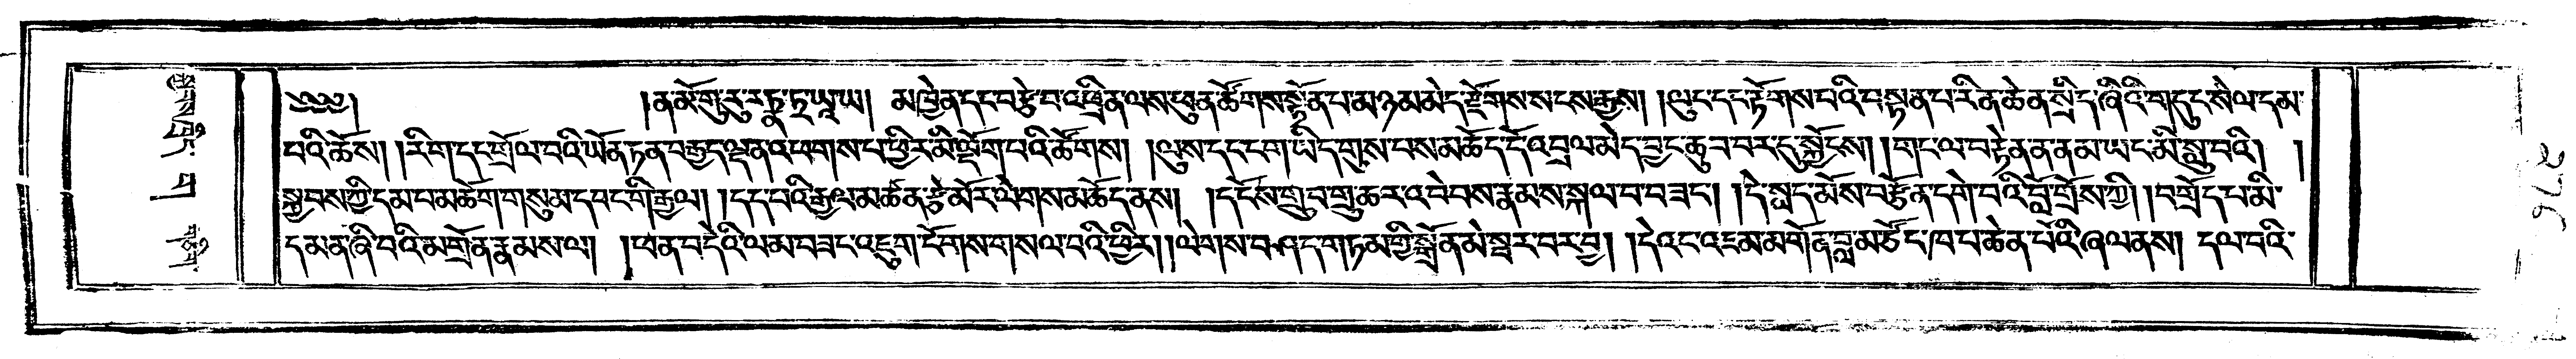༄༅༅། །ན་མོ་གུ་རུ་རཏྣ་ཏྲ་ཡཱ་ལ། མཁྱེན་དང་བརྩེ་བ་འཕྲིན་ལས་ཕུན་ཚོགས་སྟོན་པ་མཉམ་མེད་རྫོགས་སངས་རྒྱས། །ལུང་དང་རྟོགས་པའི་བསྟན་པ་རིན་ཆེན་སྲིད་ཞིའི་གདུང་སེལ་དམ་
བའི་ཆོས། །རིག་དང་གྲོལ་བའི་ཡོན་ཏན་བརྒྱད་ལྡན་འཕགས་པ་ཕྱིར་མི་ལྡོག་པའི་ཚོགས། །ལུས་དང་ངག་ཡིད་གུས་པས་མཆོད་དོ་འབྲལ་མེད་བྱང་ཆུབ་བར་དུ་སྐྱོངས། །གང་ལ་བརྟེན་ན་ནམ་ཡང་མི་སླུ་བའི། །
སྐྱབས་ཀྱི་དམ་པ་མཆོག་གསུམ་དང་དབང་གི་རྒྱལ། །དད་པའི་རྒྱལ་མཚན་རྩེ་མོར་ལེགས་མཆོད་ནས། །དངོས་གྲུབ་གྲུ་ཆར་འབེབས་རྣམས་སྐལ་བ་བཟང་། །དེ་སླད་མོས་བརྩོན་དགེ་བའི་བློ་གྲོས་ཀྱི། །བགྲོད་པ་མི་
དམན་ཞི་བའི་མགྲོན་རྣམས་ལ། །ཕན་བདེའི་ལམ་བཟང་འཇུག་ངོགས་གསལ་བའི་ཕྱིར། །ལེགས་བཤད་གཏམ་གྱི་སྒྲོན་མེ་སྦར་བར་བྱ། །དེའང་འཇམ་མགོན་བླ་མ་ཙོང་ཁ་བ་ཆེན་པོའི་ཞལ་ནས། དལ་བའི་